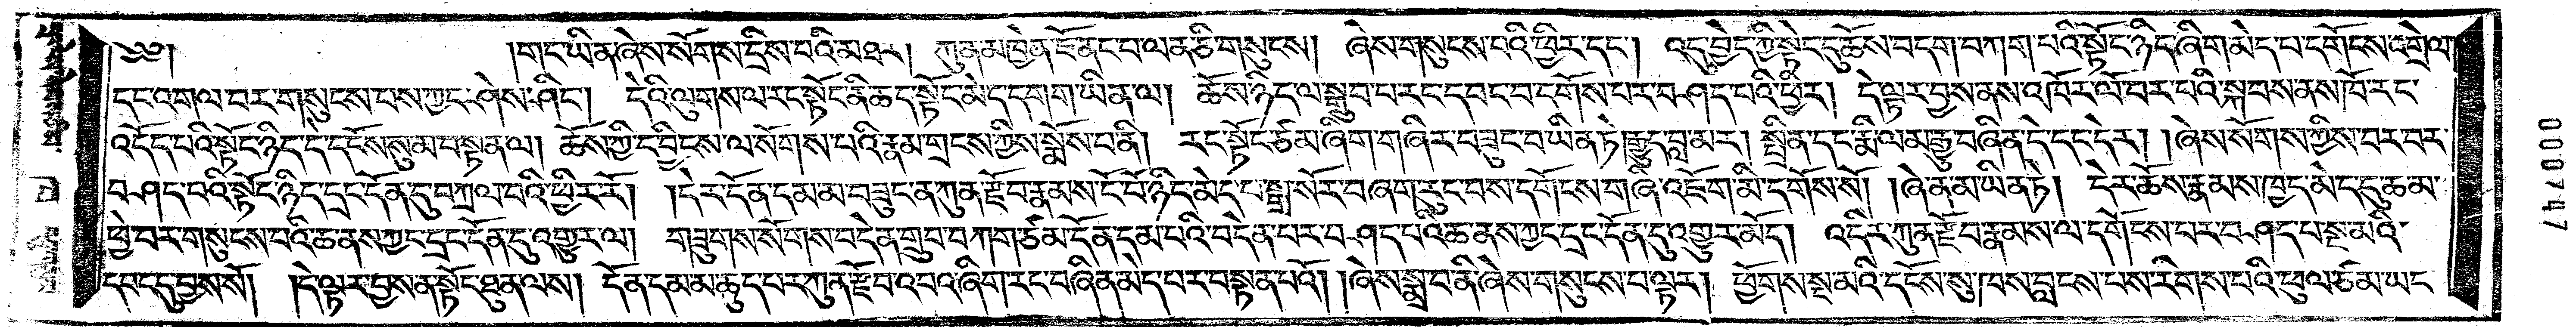༄༅། །གང་ཡིན་ཞེས་སོགས་དྲིས་པའི་མཐར། ཀུན་མཁྱེན་ཇོ་ནང་པ་ལན་ཅི་གསུངས། ཞེས་གསུངས་པའི་ཕྱིར་དང་། འདུ་བྱེད་ཀྱི་སྟེང་དུ་ཆོས་བདག་བཀག་པའི་སྟོང་ཉིད་ཞིག་མེད་པ་དགོངས་འགྲེལ་
དང་འགལ་བར་གསུངས་པས་ཀྱང་ཤེས་ཤིང་། དེའི་ལུགས་ལ་རང་སྟོང་ནི་ཆད་སྟོང་མེད་དགག་ཡིན་ལ། ཆོས་ཉིད་ལ་སྒྲུབ་པ་རང་དབང་བ་དགོས་པར་བཤད་པའི་ཕྱིར། དེ་ལྟར་བྱས་ནས་འཁོར་ལོ་བར་པའི་སྐབས་ནས་ཁོ་རང་
འདོད་པའི་སྟོང་ཉིད་དེ་དངོས་སུ་མ་བསྟན་ལ། ཆོས་ཀྱི་དབྱིངས་ལ་སོགས་པའི་རྣམ་གྲངས་ཀྱིས་སྨོས་པ་ནི། རང་སྟོང་ཙམ་ཞིག་གཞིར་བཟུང་བ་ཡིན་ཏེ། རྒྱུད་བླ་མར། སྤྲིན་དང་རྨི་ལམ་རྒྱུ་བཞིན་དེ་དང་དེར། །ཞེས་སོགས་ཀྱིས་བར་བར་
བཤད་པའི་སྟོང་ཉིད་དྲང་དོན་དུ་བཀྲལ་བའི་ཕྱིར་རོ། །དེར་དོན་དམ་མ་བཟུང་ན་ཀུན་རྫོབ་རྣམས་ངོ་བོ་ཉིད་མེད་པ་སྒྲ་སོར་བཞག་རུང་བས་དགོངས་གཞི་འཇོག་མི་དགོས་སོ། །ཞེ་ན་མ་ཡིན་ཏེ། དེར་ཆོས་རྣམས་ཁྱད་མེད་དུ་ཆ་མ་
ཕྱེ་བར་གསུངས་པའི་ཆ་ནས་ཀྱང་དྲང་དོན་དུ་འགྱུར་ལ། གཟུགས་སོགས་བདེན་གྲུབ་བཀག་ཙམ་དོན་དམ་པའི་བདེན་པར་བཤད་པའི་ཆ་ནས་ཀྱང་དྲང་དོན་དུ་འགྱུར་མོད། འདིར་ཀུན་རྫོབ་རྣམས་ལ་དགོངས་པར་བཤད་པ་སྔ་མའི་
དབང་དུ་བྱས་སོ། །དེ་ལྟར་བྱས་ན་སྟོང་ཐུན་ལས། དོན་དམ་མ་ཆུད་པར་ཀུན་རྫོབ་འབའ་ཞིག་རང་བཞིན་མེད་པར་བསྟན་པའོ། །ཞེས་སྨྲ་བ་ནི་ཞེས་གསུངས་པ་ལྟར། ཕྱོགས་སྔ་མའི་དངོས་སུ་ཁས་བླངས་པས་རིགས་པའི་ཕུལ་ཙམ་ཡང་